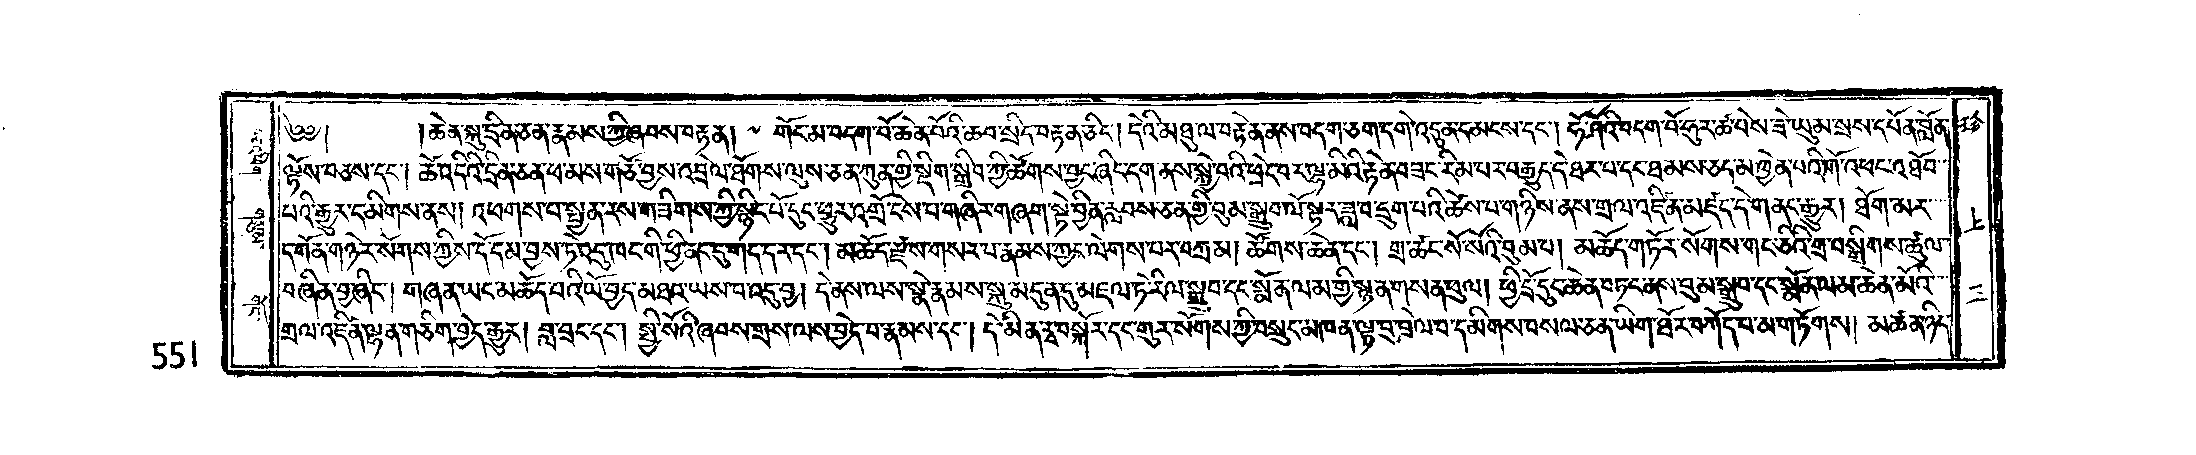༄༅། །ཆེན་སྐུ་དྲིན་ཅན་རྣམས་ཀྱི་ཞབས་བརྟན། ༧་གོང་མ་བདག་པོ་ཆེན་པོའི་ཆབ་སྲིད་བརྟན་ཅིང་། དེའི་མཐུ་ལ་བརྟེན་ནས་བདག་ཅག་དགེ་འདུན་དམངས་དང་། ཧོ་ཤོའི་བདག་བོ་ཧུར་ཚ་པེས་ཟེ་ཡུམ་སྲས་དཔོན་བློན་
ལྟོས་བཅས་དང་། ཚེ་འདིའི་དྲིན་ཅན་ཕ་མས་གཙོ་བྱས་འབྲེལ་ཐོགས་ལུས་ཅན་ཀུན་གྱི་སྡིག་སྒྲིབ་ཀྱི་ཚོགས་བྱང་ཞིང་དག་ནས་སྐྱེ་བའི་ཕྲེང་བར་ལྷ་མིའི་རྟེན་བཟང་རིམ་པར་བརྒྱུད་དེ་ཐར་པ་དང་ཐམས་ཅད་མཁྱེན་པའི་གོ་འཕང་འཐོབ་
པའི་རྒྱུར་དམིགས་ནས། འཕགས་པ་སྤྱན་རས་གཟིགས་ཀྱི་སྙིང་པོ་དུང་ཕྱུར་འགྲོ་ངེས་པ་གཞིར་གཞག་སྟེ་བྱིན་རླབས་ཅན་གྱི་བུམ་སྒྲུབ་ལོ་སྟར་ཟླ་བ་དྲུག་པའི་ཚེས་པ་གཉིས་ནས་གྲལ་འཛིན་མཛད་དེ་གནང་རྒྱུར། ཐོག་མར་
དགོན་གཉེར་སོགས་ཀྱིས་དོ་དམ་བྱས་ཏེ་འདུ་ཁང་གི་ཕྱི་ནང་དུ་གད་དར་དང་། མཆོད་རྫས་གསར་པ་རྣམས་ཀྱང་ལེགས་པར་བཀྲམ། ཚོགས་ཆེན་དང་། གྲ་ཚང་སོ་སོའི་བུམ་པ། མཆོད་གཏོར་སོགས་གང་ཅིའི་གྲ་བསྒྲིགས་ཚུལ་
བཞིན་བྱ་ཞིང་། གཞན་ཡང་མཆོད་པའི་ཡོ་བྱད་མཐའ་ཡས་པ་འདུ་བྱ། དེ་ནས་ལས་སྣེ་རྣམས་སྐུ་མདུན་དུ་མཇལ་ཏེ་རིལ་སྒྲུབ་དང་སྨོན་ལམ་གྱི་སྙན་གསན་ཕུལ། ཕྱི་དྲོ་དུང་ཆེན་བཏང་ནས་བུམ་སྒྲུབ་དང་སྨོན་ལམ་ཆེན་མོའི་
གྲལ་འཛིན་ལྷན་གཅིག་བྱེད་རྒྱུར། བླ་བྲང་དང་། སྤྱི་སོའི་ཞབས་གྲས་ལས་བྱེད་པ་རྣམས་དང་། དེ་མིན་རྭ་བསྐོར་དང་གུར་སོགས་ཀྱི་བསྲུང་མཁན་ལྟ་བུ་བྲེལ་བ་དམིགས་བསལ་ཅན་ཡིག་ཐོར་བཀོད་པ་མ་གཏོགས། མཚན་ཉིད་